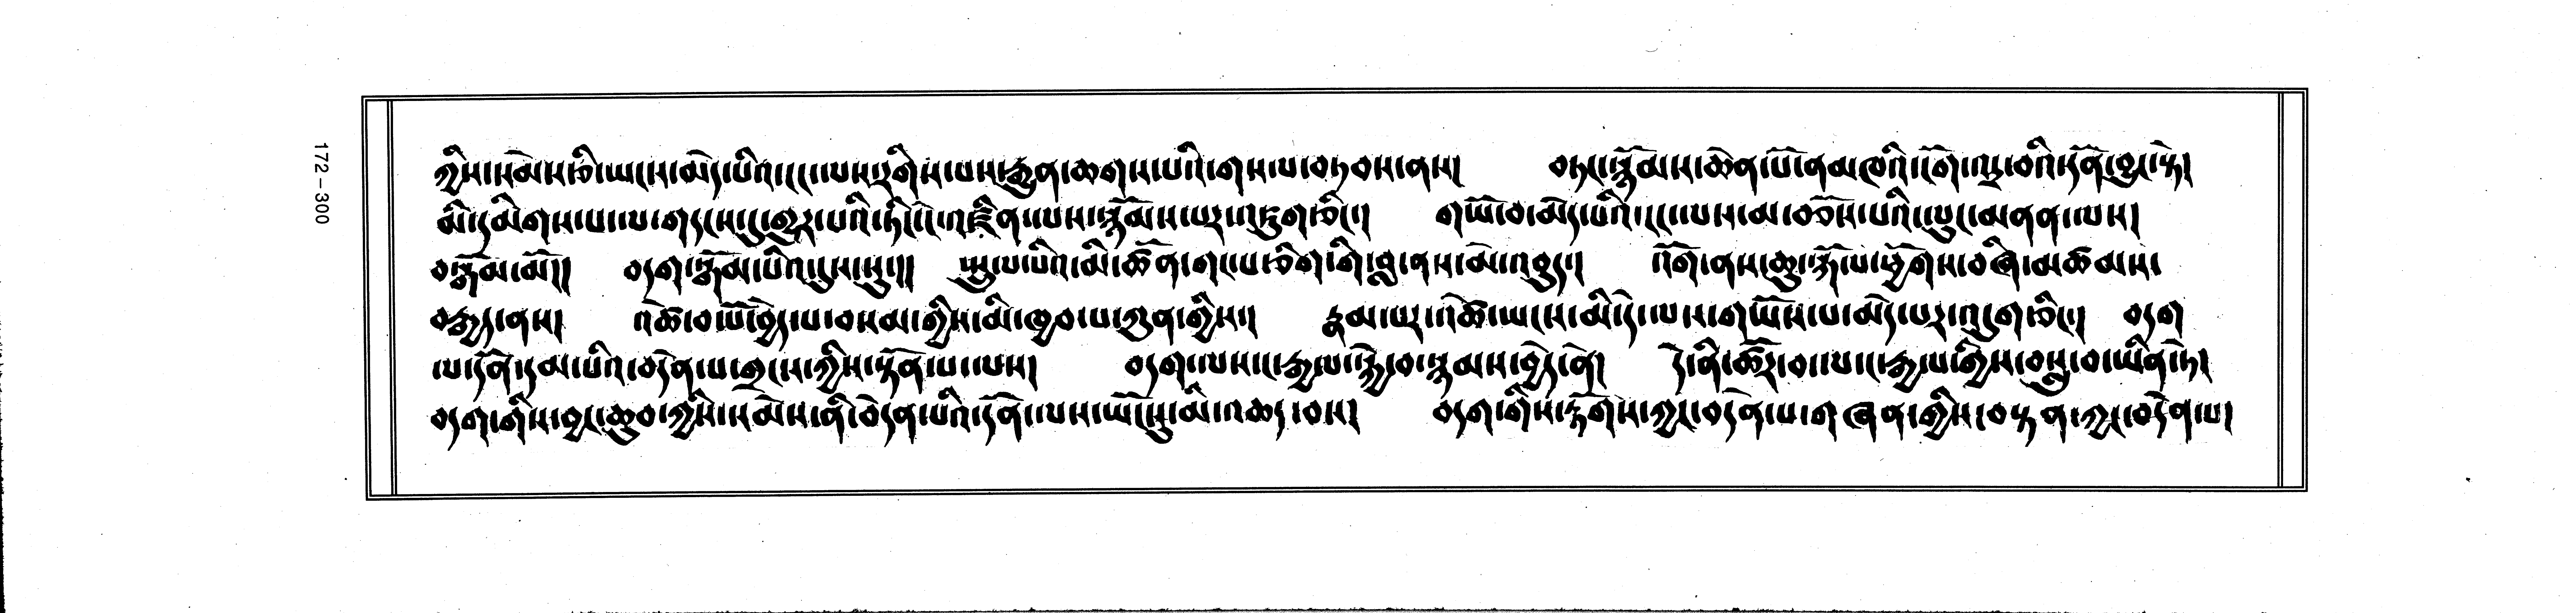ཀྱིས་སེམས་ཅི་ཡང་མེད་པའི་ངང་ལས་རིག་པས་རྒྱུན་ཆགས་པའི་གསལ་བཏབས་ནས། བཏང་སྙོམས་ཆེན་པོ་ནམ་མཁའི་ངོག་འདྲ་བའི་དོན་བྱུང་སྟེ། 
མི་དམིགས་པ་ལ་གདངས་དུ་གྱུར་པའི་ཏིང་ངེ་འཛིན་ལས་སྙོམས་པར་འཇུག་ཅིང་། གཡོ་བ་མེད་པའི་ངང་ལས་མ་བཅོས་པའི་ལུང་གནན་ལས། 
བསྒོམ་མོ། བདག་སྒོམ་པའི་དུས་སུ། སྤྲུལ་པའི་མི་ཚོན་གང་པ་ཅིག་གི་བླ་ནས་མེ་འབུད། འོག་ནས་ཆུ་སྐལ་ཕྱོགས་བཞི་འཚམས་
བརྒྱད་ནས། འཚེ་བ་པོ་བྱེད་པ་བསམ་གྱིས་མི་ཁྱབ་པ་ཀུན་གྱིས། རྣམ་པར་འཚེ་ཡང་མི་དེ་ལས་གཡོས་པ་མེད་པར་འདུག་ཅིང་། བདག་
ལ་དོན་དམ་པའི་བདེན་པ་གྲངས་ཀྱིས་སྟོན་པ་ལས། བདག་ལས་ང་རྒྱལ་སྐྱེ་བ་སྙམས་བྱེད་ནེ། དེ་ནི་ཚོར་བ་ལ་ང་རྒྱལ་གྱིས་བསླུ་བ་ཡིན་ཏེ། 
བདག་གིས་བྱང་ཆུབ་ཀྱིས་སེམས་བདེན་པའི་དོན་ལས་ཡོངས་སུ་མི་འཆད་བས། བདག་གིས་རྟོགས་ཀྱང་བདེན་པ་གཞན་གྱིས་བསྟན་ཀྱང་བདེན་པ་